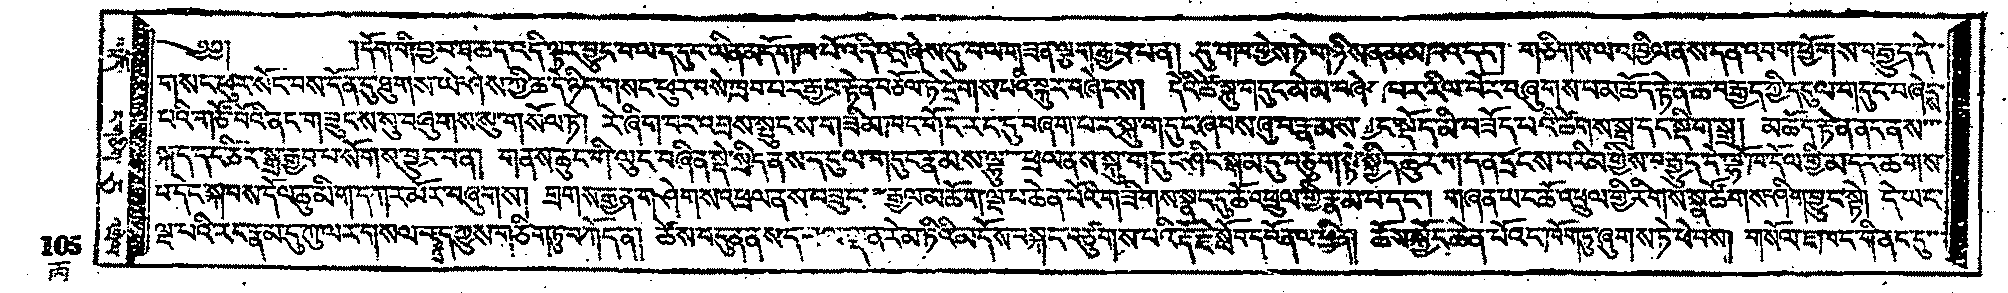༄༅། །དོག་གི་བྱ་བ་ཐ་ཆད་འདི་ལྟར་བྱུང་བ་ལ་ད་དུང་ཡིན་མདོག་ཁ་པོ་འདི་འདྲ་ཞེས་དུ་བ་ལ་གཟན་ལྕག་རྒྱབ་པ་ན། དུ་བ་ཁ་གྱེས་ཏེ་གཉིས་ནམ་མཁའ་དང་། གཅིག་ས་ལ་འཁྱིལ་ནས་དན་འབག་ཕྱོགས་བརྒྱུད་དེ་
གསང་ཕུར་སོང་བས་དོན་དུ་ཐུགས་ཡེ་ཤེས་ཀྱི་ཆ་དེ་ཉིད་གསང་ཕུར་བསེ་ཁྲབ་པར་རྒྱབ་རྟེན་བཅོལ་ཏེ་དྲེགས་པའི་སྐུར་བཞེངས། དེའི་ཚེ་སྐུ་གདུང་མེ་མ་བཞེས་པར་རིལ་པོར་བཞུགས་པ་མཆོད་རྟེན་ཆ་བརྒྱད་ཀྱི་དངུལ་གདུང་བཞེངས་
པའི་གཙོ་བོའི་ནང་གཟུངས་སུ་བཞུགས་སུ་གསོལ་ཏེ། རེ་ཞིག་པར་འབྲས་སྤུངས་གཟིམ་ཁང་གོང་རང་དུ་བཞག་པར་སྐུ་གདུང་ཞབས་ཞུ་བ་རྣམས་ཀྱང་སྡོད་མི་བཟོད་པའི་ཚེགས་སྒྲ་དང་སྡིག་སྒྲ། མཆོད་རྟེན་ནང་ནས་
སྐད་དང་ཙིར་སྒྲ་རྒྱབ་པ་སོགས་བྱུང་བ་ན། གནས་ཆུང་གི་ལུང་བཞིན་སྡེ་སྲིད་ནས་དངུལ་གདུང་རྣམས་ལྷུ་ཕྲལ་ནས་སྐུ་གདུང་ཤིང་སྒམ་དུ་བཅུག་སྟེ་སྐྱིད་ཆུར་གདན་དྲངས་པ་རིམ་གྱིས་བརྒྱུད་དེ་ལྷོ་ཁ་དོལ་གྱི་མདར་ཆགས་
པ་དེང་སྐབས་དོལ་ཆུ་མིག་དཀར་མོར་བཞུགས། གྲགས་རྒྱན་གཤེགས་འཕྲལ་ནས་བཟུང ༧རྒྱལ་མཆོག་ལྔ་པ་ཆེན་པོའི་གཟིགས་སྣང་དུ་ཆོ་འཕྲུལ་གྱི་རྣམ་པ་དང་། གཞན་ཡང་ཆོ་འཕྲུལ་གྱི་རིགས་སྣ་ཚོགས་ཤིག་བྱུང་སྟེ། དེ་ཡང་
ལྔ་པའི་རང་རྣམ་དུ་ཀུ་ལར་གསལ་བ་ལས་དཀྱུས་གཅིག་ཏུ་བཀོད་ན། ཚེས་བདུན་ནས་དཔལ་ལྡན་རེ་མ་ཏིའི་མདོས་བསྐང་བཙུགས་པའི་རྡོ་རྗེ་སློབ་དཔོན་ལ་ཕྱིན། ཆོས་སྐྱོང་ཆེན་པོའང་ཁོག་ཏུ་ཞུགས་ཏེ་ཕེབས། གསོལ་ཇ་ཁང་གི་ནང་དུ་